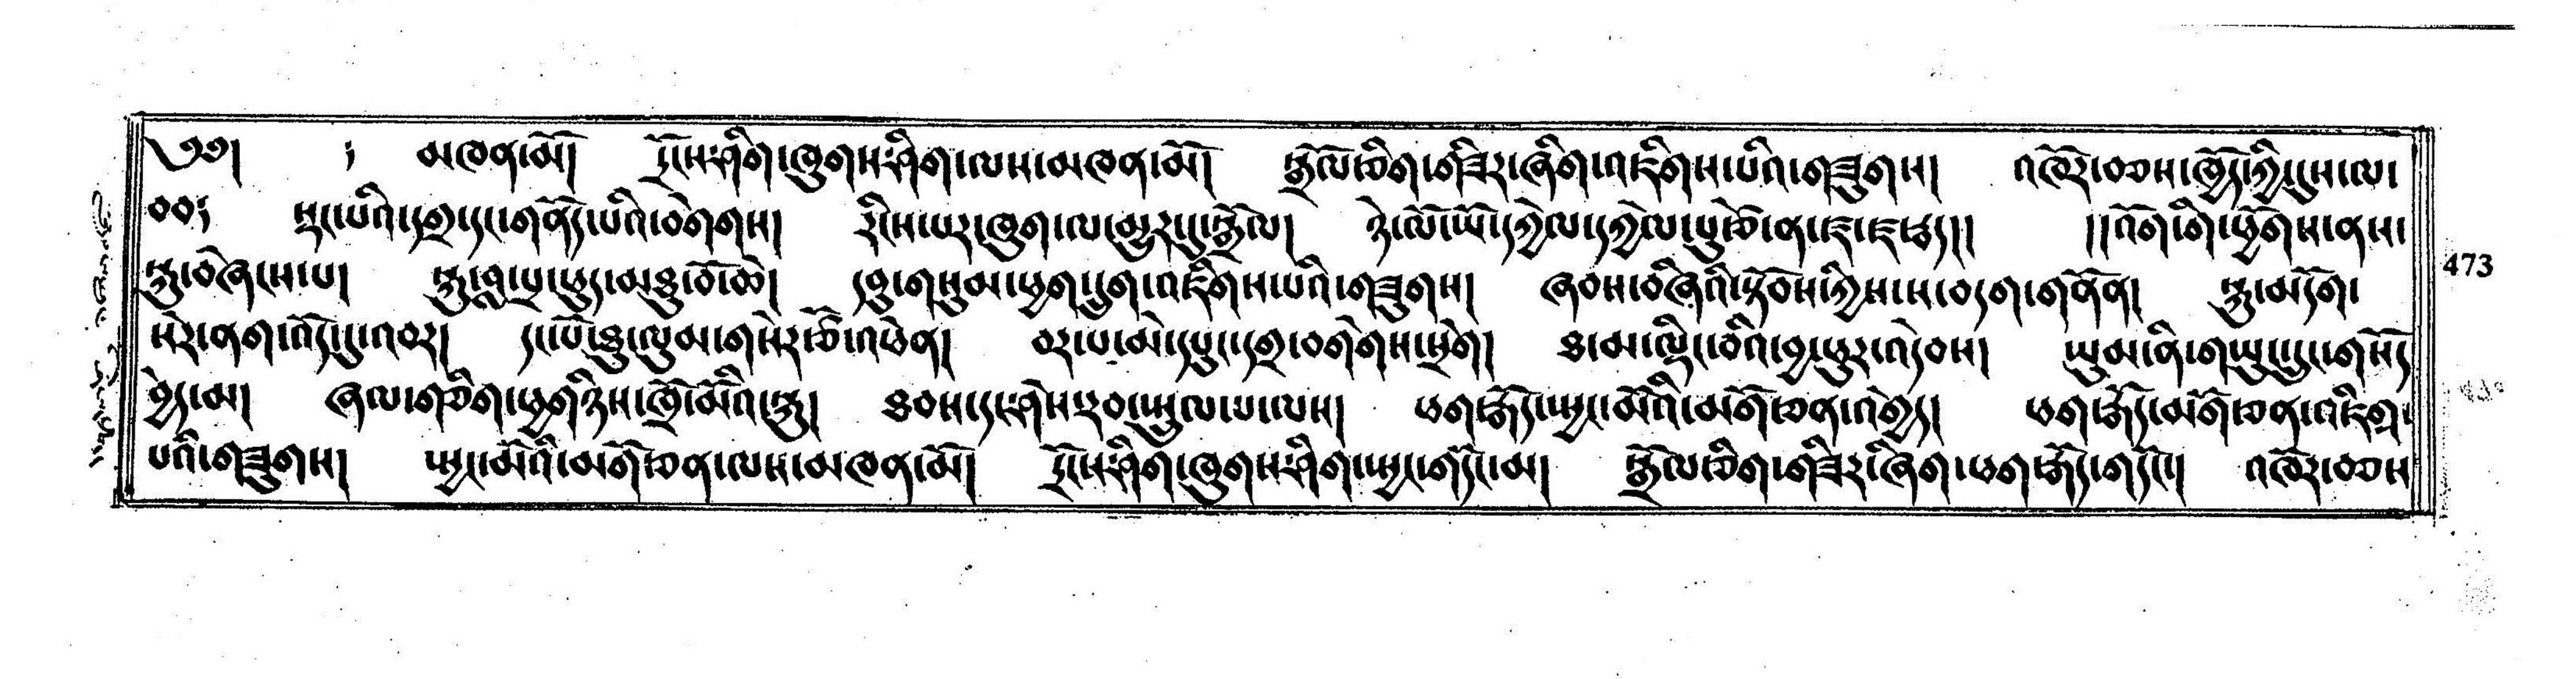མཁན་མོ། དྲོངས་ཤིག་ཁུགས་ཤིག་ལས་མཁན་མོ། སྒྲོལ་ཅིག་གཟིར་ཞིག་འཇིགས་པའི་གཟུགས། འཁོར་བཅས་ཁྱོད་ཀྱི་དུས་ལ་
བབ། སྡང་པའི་དགྲ་དང་གནོད་པའི་བགེགས། རིངས་པར་ཁུག་ལ་མྱུར་དུ་སྒྲོལ། ཉེ་ལོ་ཡོ་དཀྱེལ་དཀྱེལ་པུ་ཙེ་ན་ཛ་ཛ་རྦད།། །།འོག་གི་ཕྱོགས་ནས་
སྐུ་{486}བཞེངས་པ། སྐུ་བླ་པྲ་ཕུད་མཐུ་བོ་ཆེ། དབུ་གསུམ་ཕྱག་དྲུག་འཇིགས་པའི་གཟུགས། ཞབས་བཞིའི་སྟོབས་ཀྱིས་ས་བདག་གནོན། སྐུ་མདོག་
སེར་ནག་འོད་དུ་འབར། དང་པོ་ཐུ་ལུམ་གསེར་ཙོ་འཕེན། བར་པ་མེ་དཔུང་དགྲ་བགེགས་སྲེག ཐ་མ་ལྡིང་བའི་བྱ་ཕུར་འདེབས། ཡུམ་ནི་གཡུང་དྲུང་གསོད་
བྱེད་མ། ཞལ་གཅིག་ཕྱག་གཉིས་ཁྲོ་མོའི་སྐུ།། ཐབས་དང་ཤེས་རབ་སྤྲུལ་པ་ལས། ཕག་རྒོད་སྤྱང་མོའི་མགོ་ཅན་འགྱེད། ཕག་རྒོད་མགོ་ཅན་འཇིགས་
པའི་གཟུགས། སྤྱང་མོའི་མགོ་ཅན་ལས་མཁན་མོ། དྲོངས་ཤིག་ཁུགས་ཤིག་སྤྱང་གདོང་མ། སྒྲོལ་ཅིག་གཟིར་ཞིག་ཕག་རྒོད་གདོང་། འཁོར་བཅས་